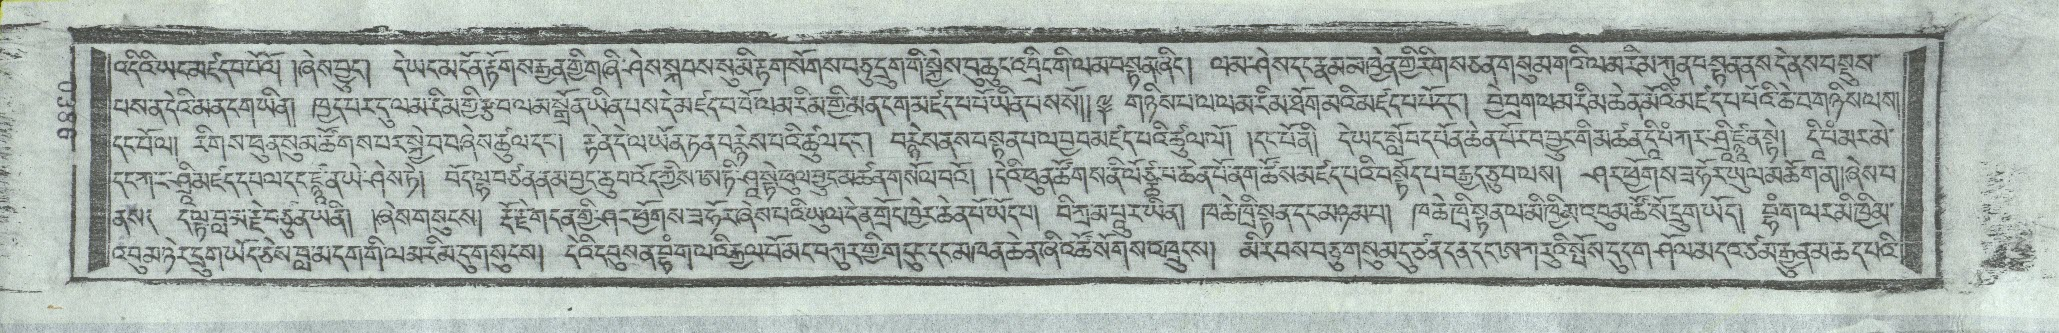འདིའི་ཡང་མཛད་པ་པོའོ། །ཞེས་བྱུང་། དེ་ཡང་མངོན་རྟོགས་རྒྱན་གྱི་གཞི་ཤེས་སྐབས་སུ་མི་རྟག་སོགས་བཅུ་དྲུག་གི་སྐྱེས་བུ་ཆུང་འབྲིང་གི་ལམ་བསྟན་ཞིང་། ལམ་ཤེས་དང་རྣམ་མཁྱེན་གྱི་རིགས་ཅན་གསུམ་གའི་ལམ་རིམ་ཀུན་བསྟན་ནས་དེ་ནས་བསྡུས་
བས་ན་དེའི་མན་ངག་ཡིན། ཁྱད་པར་དུ་ལམ་རིམ་གྱི་རྩ་བ་ལམ་སྒྲོན་ཡིན་པས་དེ་མཛད་པ་པོ་ལམ་རིམ་གྱི་མན་ངག་མཛད་པ་པོ་ཡིན་པས་སོ།། ༈ གཉིས་པ་ལ་ལམ་རིམ་ཐོག་མའི་མཛད་པ་པོ་དང་། བྱེ་བྲག་ལམ་རིམ་ཆེན་མོའི་མཛད་པ་པོའི་ཆེ་བ་གཉིས་ལས།
དང་པོ་ལ། རིགས་ཕུན་སུམ་ཚོགས་པར་སྐྱེ་བ་བཞེས་ཚུལ་དང་། རྟེན་དེ་ལ་ཡོན་ཏན་བརྙེས་པའི་ཚུལ་དང་། བརྙེས་ནས་བསྟན་པ་ལ་བྱ་བ་མཛད་པའི་ཚུལ་ལོ། །དང་པོ་ནི། དེ་ཡང་སློབ་དཔོན་ཆེན་པོ་རབ་བྱུང་གི་མཚན་དཱི་པཾ་ཀར་ཤྲཱི་ཛྙཱ་ན་སྟེ། དཱི་པཾ་མར་མེ་
དང་ཀར་ཤྲཱི་མཛད་དཔལ་དང་ཛྙཱ་ན་ཡེ་ཤེས་ཏེ། བོད་ལྷ་བཙན་ནམ་བྱང་ཆུབ་འོད་ཀྱིས་ཨ་ཏི་ཤཱ་སྟེ་ཕུལ་བྱུང་མཚན་གསོལ་བའོ། །དེའི་ཕུན་ཚོགས་ནི་ལོ་ཙྪ་པ་ཆེན་པོ་ནག་ཆོས་མཛད་པའི་བསྟོད་པ་བརྒྱད་ཅུ་པ་ལས། ཤར་ཕྱོགས་ཟ་ཧོར་ཡུལ་མཆོག་ན། །ཞེས་པ་
ནས༑ དེ་ལྟ་བླ་མ་རྗེ་བཙུན་ཡིན། །ཞེས་གསུངས། རྡོ་རྗེ་གདན་གྱི་ཤར་ཕྱོགས་ཟ་ཧོར་ཞེས་པའི་ཡུལ་དེན་གྲོང་ཁྱེར་ཆེན་པོ་ཡོད་པ། བི་ཀྲ་མ་པཱུ་ར་ཡིན། ཁ་ཆེ་ཁྲི་སྟན་དང་མཉམ་པ། ཁ་ཆེ་ཁྲི་སྟན་ལ་མི་ཁྱིམ་འབུམ་ཚོ་སོ་དྲུག་ཡོད། བྷཾ་ག་ལར་མི་ཁྱིམ་
འབུམ་ཉེར་དྲུག་ཡོད་ཅེས་བླ་མ་དག་གི་ལམ་རིམ་དུ་གསུངས། དེའི་དབུས་ན་བྷཾ་ག་ལའི་རྒྱལ་བོ་མང་བཀུར་གྱི་གདུང་དང་མཁན་ཆེན་ཞི་འཚོ་སོགས་འཁྲུངས། མི་རབས་བཅུ་གསུམ་དུ་ཙན་དན་དང་ཨ་ཀ་རུའི་སྤོས་དུད་གཤོལ་མདའ་ཙམ་རྒྱུན་མ་ཆད་པའི་